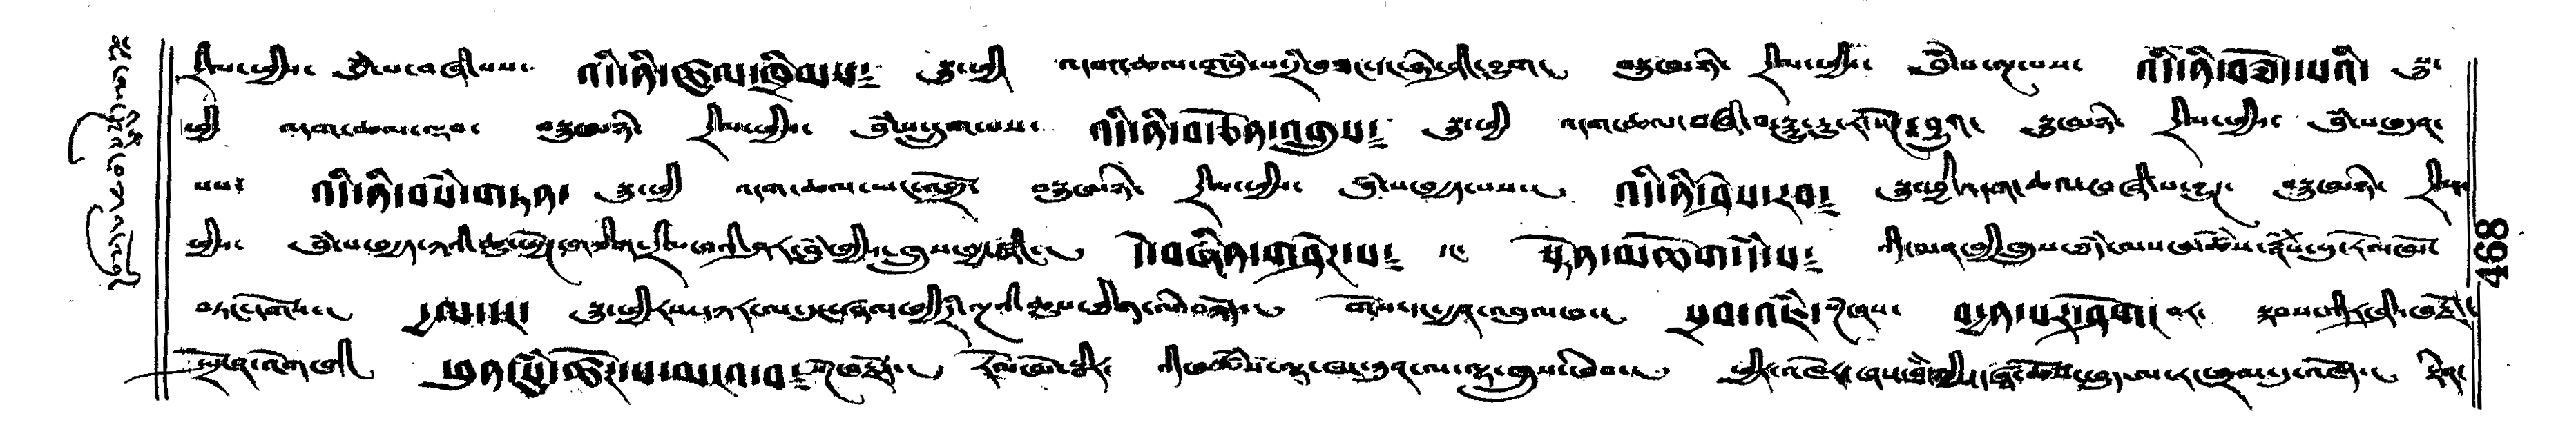དྲིལ་ཕྱིས། བུམ་པ་བཞི་པས། འདི་ནི་ཚུལ་ཁྲིམས༴ སྐུ་ཕྱི། འདག་ཆལ་གསུམ་པ་དྲི་བཟང་དང་ཉེ་ཤིང་བྱུག བསྐུ་མཉེ། དྲིལ་ཕྱིས། བུམ་པ་ལྔ་པས། འདི་ནི་བཟོད་པའི༴ སྐུ་
ཕྱི། འདག་ཆལ་ལྡབ། བསྐུ་མཉེ། དྲིལ་ཕྱིས། བུམ་པ་དྲུག་པས། འདི་ནི་བརྩོན་འགྲུས༴ སྐ ུ་ཕྱི། འདག་ཆལ་བཞི་བ་སྐྱུ་རུ་ར་སོགས་བྱུགས། སྐུ་མཉེ། དྲིལ་ཕྱིས། བུམ་པ་བདུན་
པས། འདི་ནི་བསམ་གཏན༴ སྐུ་ཕྱི། འདག་ཆལ་ཡང་འགྲོ། བསྐུ་མཉེ། དྲིལ་ཕྱིས། བུམ་པ་བརྒྱད་པས། འདི་ཤེས་རབ༴ སྐུ་ཕྱི་འདག་ཆལ་བཞི་པ་བྱུགས། བསྐུ་མཉེ། དྲིལ་
ཕྱིས། བུམ་པ་བརྒྱད་ཀའི་ཆུ་ཕྱོགས་གཅིག་དྲིལ་བའི་ཤར་བུམ་གྱིས་ཁྲུས་བྱ་ཞིང་། དེ་བཞིན་གཤེགས་པ༴ དང་། སྟོན་མཆོག་དམ་པ༴ འདི་མན་གྱི་ཁྲུས་ཐམས་ཅད་ལས་མཚམས་རྣམས་སུ་རོལ་མོ་
བཏང་དགོས། རྒྱལ་དང་། སྐུ་ཕྱི་རས་དཀར་ལ་དུང་ཞལ་གྱི་དྲི་ལྔའི་ཆུས་ཐིག་ལེ་བཀོད། གོས་དང་རྒྱན་འབུལ་བ། སྲབ་འཇམ༴ སོགས་ནས། བརྒྱན་པར་ཤོག བར། སྐབས་འདིར་ཤིས་བརྗོད་
སྤྲོ་ན་འོག་གི ཕུན་སུམ་ཚོགས་པ་མངའ་བ༴ སོགས་བརྗོད། རོལ་མོ་སྦིར། འདི་མཚམས་ལྷ་ཁང་ཀུན་ལ་ལྷ་ཁྲུས་ཕེབས། ཕྱིར་འཁོར་ནས་ཐམས་ཅད་ཀྱིས་ཞྭ་ཆོས་ཕུད་ལ་རང་གྲལ་དུ་འཁོད། རྟེན་